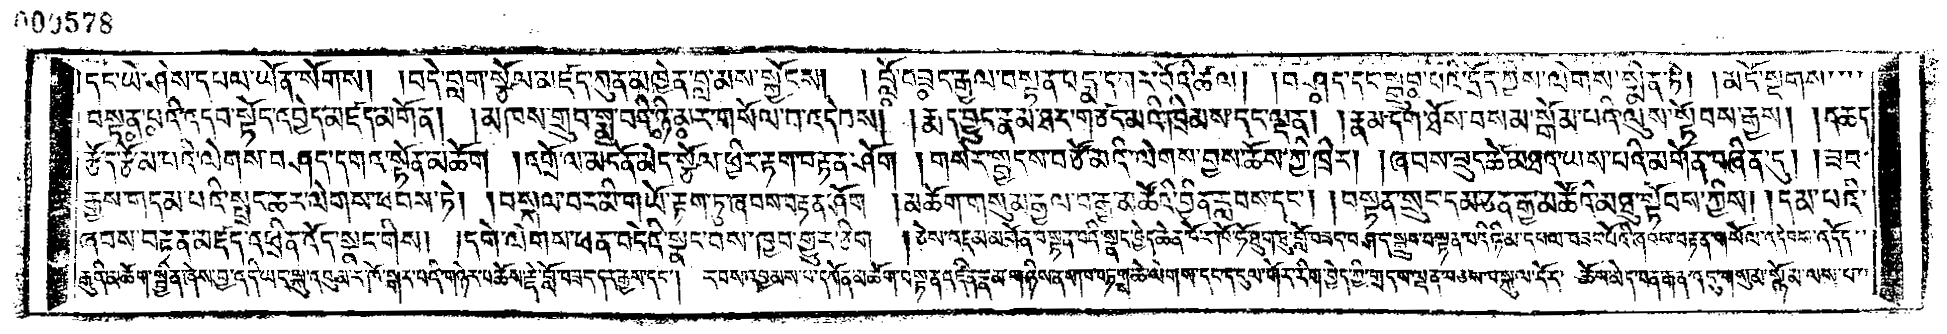དང་ཡེ་ཤེས་དཔལ་ཡོན་སོགས། །བདེ་བླག་སྩོལ་མཛད་ཀུན་མཁྱེན་བླ་མས་སྐྱོངས། །བློ྾་བཟང྾་རྒྱལ་བསྟན་པདམ་དཀར་པོའི་ཚལ། །བཤད྾་དང་སྒྲུབ྾་པའི་དྲོད་ཀྱིས་ལེགས་སྨིན་ཏེ། །མདོ་སྔགས་
བསྟན྾་པའི྾་འདབ་སྟོང་འབྱེད་མཛད་མགོན། །མཁས་གྲུབ་སྨྲ་བའི྾་ཉི྾་མར྾་གསོལ་བ་འདེབས། །རྨད་བྱུང་རྣམ་ཐར་གཙང་མའི་ཁྲིམས་དང་ལྡན། །རྣམ་དག་ཐོས་བསམ་སྒོམ་པའི་ལུས་སྟོབས་རྒྱས། །འཆད་
རྩོད་རྩོམ་པའི་ལེགས་བཤད་དགའ་སྟོན་མཆོག །འགྲོ་ལ་མངོན་མེད་སྩོལ་ཕྱིར་རྟག་བརྟན་ཤོག །གསེར་སྦྱངས་བཙོ་མའི་ལེགས་བྱས་ཆོས་ཀྱི་ཁྲིར། །ཞབས་ཟུང་ཚེ་མཐའ་ཡས་པའི་མགོན་བཞིན་དུ། །ཟབ་
རྒྱས་གདམ་པའི་སྤྲང་ཆར་ལེགས་ཕབས་ཏེ། །བསྐལ་བར་མི་གཡོ་རྟག་ཏུ་ཞབས་བརྟན་ཤོག །མཆོག་གསུམ་རྒྱལ་བ་རྒྱ་མཚོའི་བྱིན་རླབས་དང་། །བསྟན་སྲུང་དམ་ཅན་རྒྱ་མཚོའི་མཐུ་སྟོབས་ཀྱིས། །དམ་པའི་
ཞབས་བརྟན་མཛད་འཕྲིན་འོད་སྣང་གིས། །དགེ་ལེགས་ཕན་བདེའི་སྣང་བས་ཁྱབ་གྱུར་ཅིག །ཅེས་འཇམ་མགོན་བསྟན་པའི་སྣང་བྱེད་ཆེན་པོར་ཁོ་ཧོ་ཐུག་ཐུ་བློ་བཟང་བཤད་སྒྲུབ་བསྟན་པའི་ཉི་མ་དཔལ་བཟང་པོའི་ཞབས་བརྟན་གསོལ་འདེབས་འདོད་
རྒུའི་མཆོག་སྦྱིན་ཞེས་བྱ་འདི་ཡང་སྐུ་འབུམ་ར་ཁོ་སྒར་བའི་གཉེར་པ་ཆོས་རྗེ་བློ་བཟང་དར་རྒྱས་དང་། རབས་འབྱམས་པ་དཀོན་མཆོག་བསྟན་འཛིན་རྣམ་གཉིས་ནས་ཁ་བཏགས་ཆེ་ལེགས་དང་དངུལ་གོར་རིག་བྱེད་ཀྱི་གྲངས་ལྡན་བཅས་བསྐུལ་ངོར་ཆོས་མེད་བན་རྒན་འདུ་གསུམ་སྙོམ་ལས་པ་